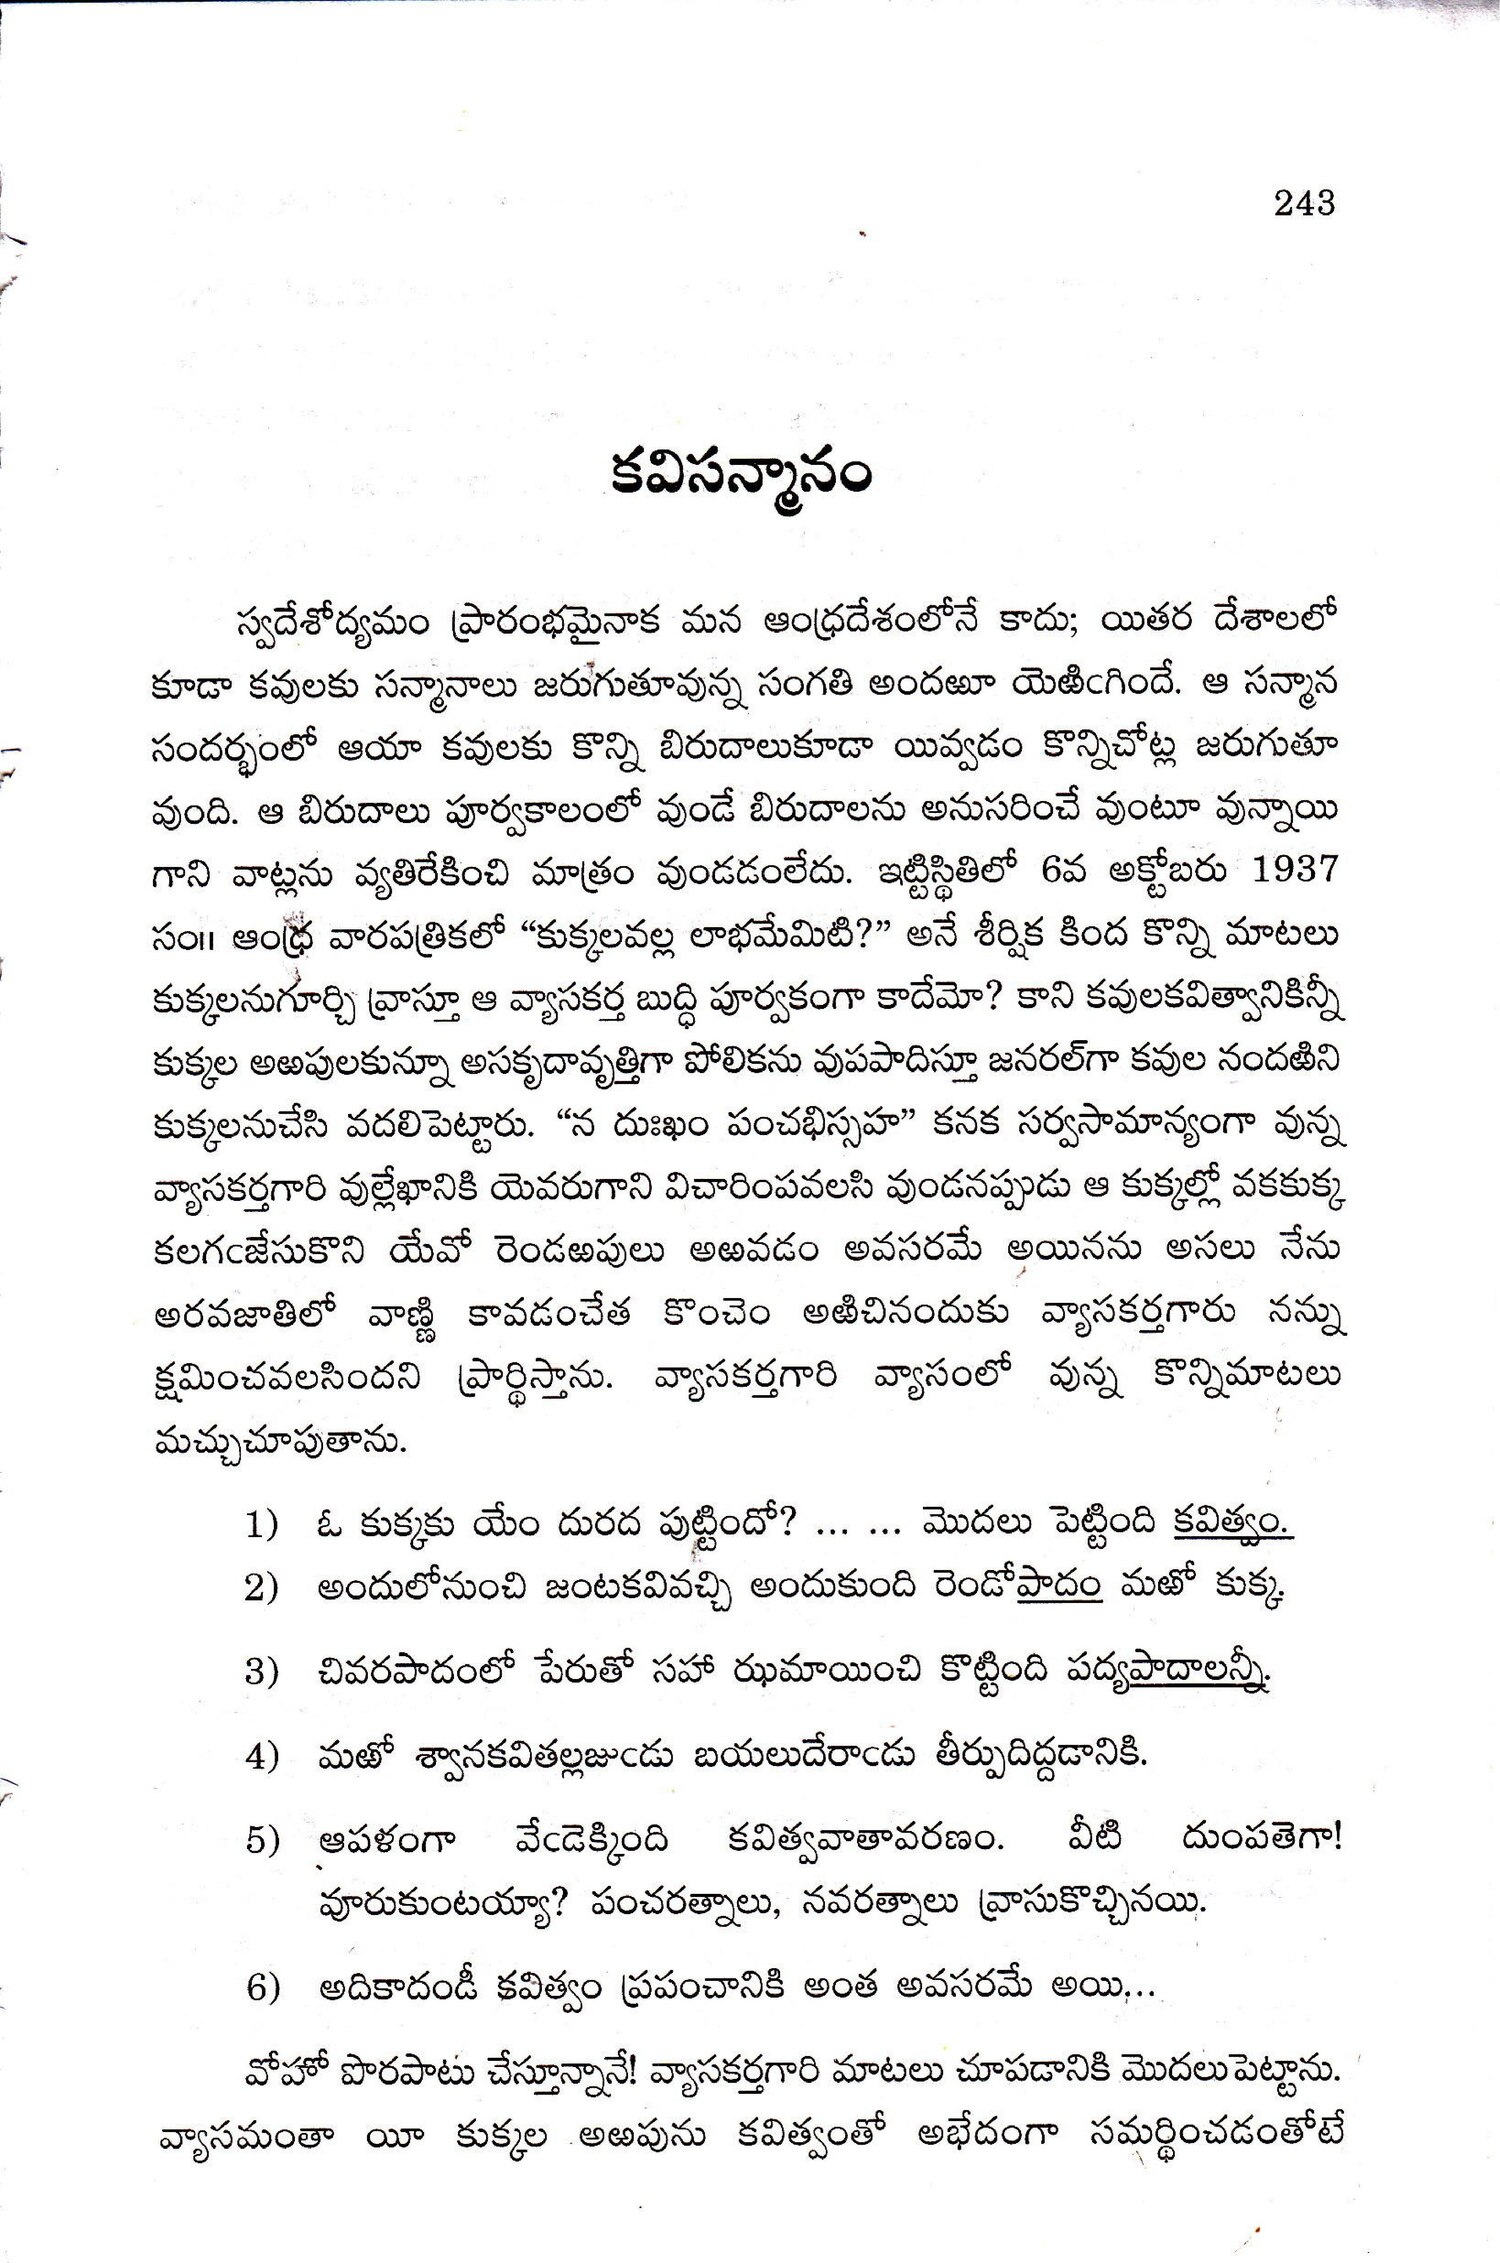కవిసన్మానం

స్వదేశోద్యమం ప్రారంభమైనాక మన ఆంధ్రదేశంలోనే కాదు; యితర దేశాలలో కూడా కవులకు సన్మానాలు జరుగుతూవున్న సంగతి అందఱూ యెఱిఁగిందే. ఆ సన్మాన సందర్భంలో ఆయా కవులకు కొన్ని బిరుదాలుకూడా యివ్వడం కొన్నిచోట్ల జరుగుతూ వుంది. ఆ బిరుదాలు పూర్వకాలంలో వుండే బిరుదాలను అనుసరించే వుంటూ వున్నాయి గాని వాట్లను వ్యతిరేకించి మాత్రం వుండడంలేదు. ఇట్టిస్థితిలో 6వ అక్టోబరు 1937 సం!! ఆంధ్ర వారపత్రికలో "కుక్కలవల్ల లాభమేమిటి?" అనే శీర్షిక కింద కొన్ని మాటలు కుక్కలనుగూర్చి వ్రాస్తూ ఆ వ్యాసకర్త బుద్ధి పూర్వకంగా కాదేమో? కాని కవులకవిత్వానికిన్నీ కుక్కల అఱపులకున్నూ అసకృదావృత్తిగా పోలికను వుపపాదిస్తూ జనరల్‌గా కవుల నందఱిని కుక్కలనుచేసి వదలిపెట్టారు. “న దుఃఖం పంచభిస్సహ" కనక సర్వసామాన్యంగా వున్న వ్యాసకర్తగారి వుల్లేఖానికి యెవరుగాని విచారింపవలసి వుండనప్పుడు ఆ కుక్కల్లో వకకుక్క కలగఁజేసుకొని యేవో రెండఱపులు అఱవడం అవసరమే అయినను అసలు నేను అరవజాతిలో వాణ్ణి కావడంచేత కొంచెం అఱిచినందుకు వ్యాసకర్తగారు నన్ను క్షమించవలసిందని ప్రార్థిస్తాను. వ్యాసకర్తగారి వ్యాసంలో వున్న కొన్నిమాటలు మచ్చుచూపుతాను. 

1) ఓ కుక్కకు యేం దురద పట్టిందో? . . మొదలు పెట్టింది కవిత్వం 

2) అందులోనుంచి జంటకవివచ్చి అందుకుంది రెండోపాదం మఱో కుక్క

3) చివరపాదంలో పేరుతో సహా ఝమాయించి కొట్టింది పద్యపాదాలన్నీ

4) మఱో శ్వానకవితల్లజుఁడు బయలుదేరాఁడు తీర్పుదిద్దడానికి.

5) ఆపళంగా వేఁడెక్కింది కవిత్వవాతావరణం. వీటి దుంపతెగా! వూరుకుంటయ్యా? పంచరత్నాలు, నవరత్నాలు వ్రాసుకొచ్చినయి.

6) అదికాదండీ కవిత్వం ప్రపంచానికి అంత అవసరమే అయి...

వోహో పొరపాటు చేస్తూన్నానే! వ్యాసకర్తగారి మాటలు చూపడానికి మొదలుపెట్టాను. వ్యాసమంతా యీ కుక్కల అఱపును కవిత్వంతో అభేదంగా సమర్ధించడంతోటే